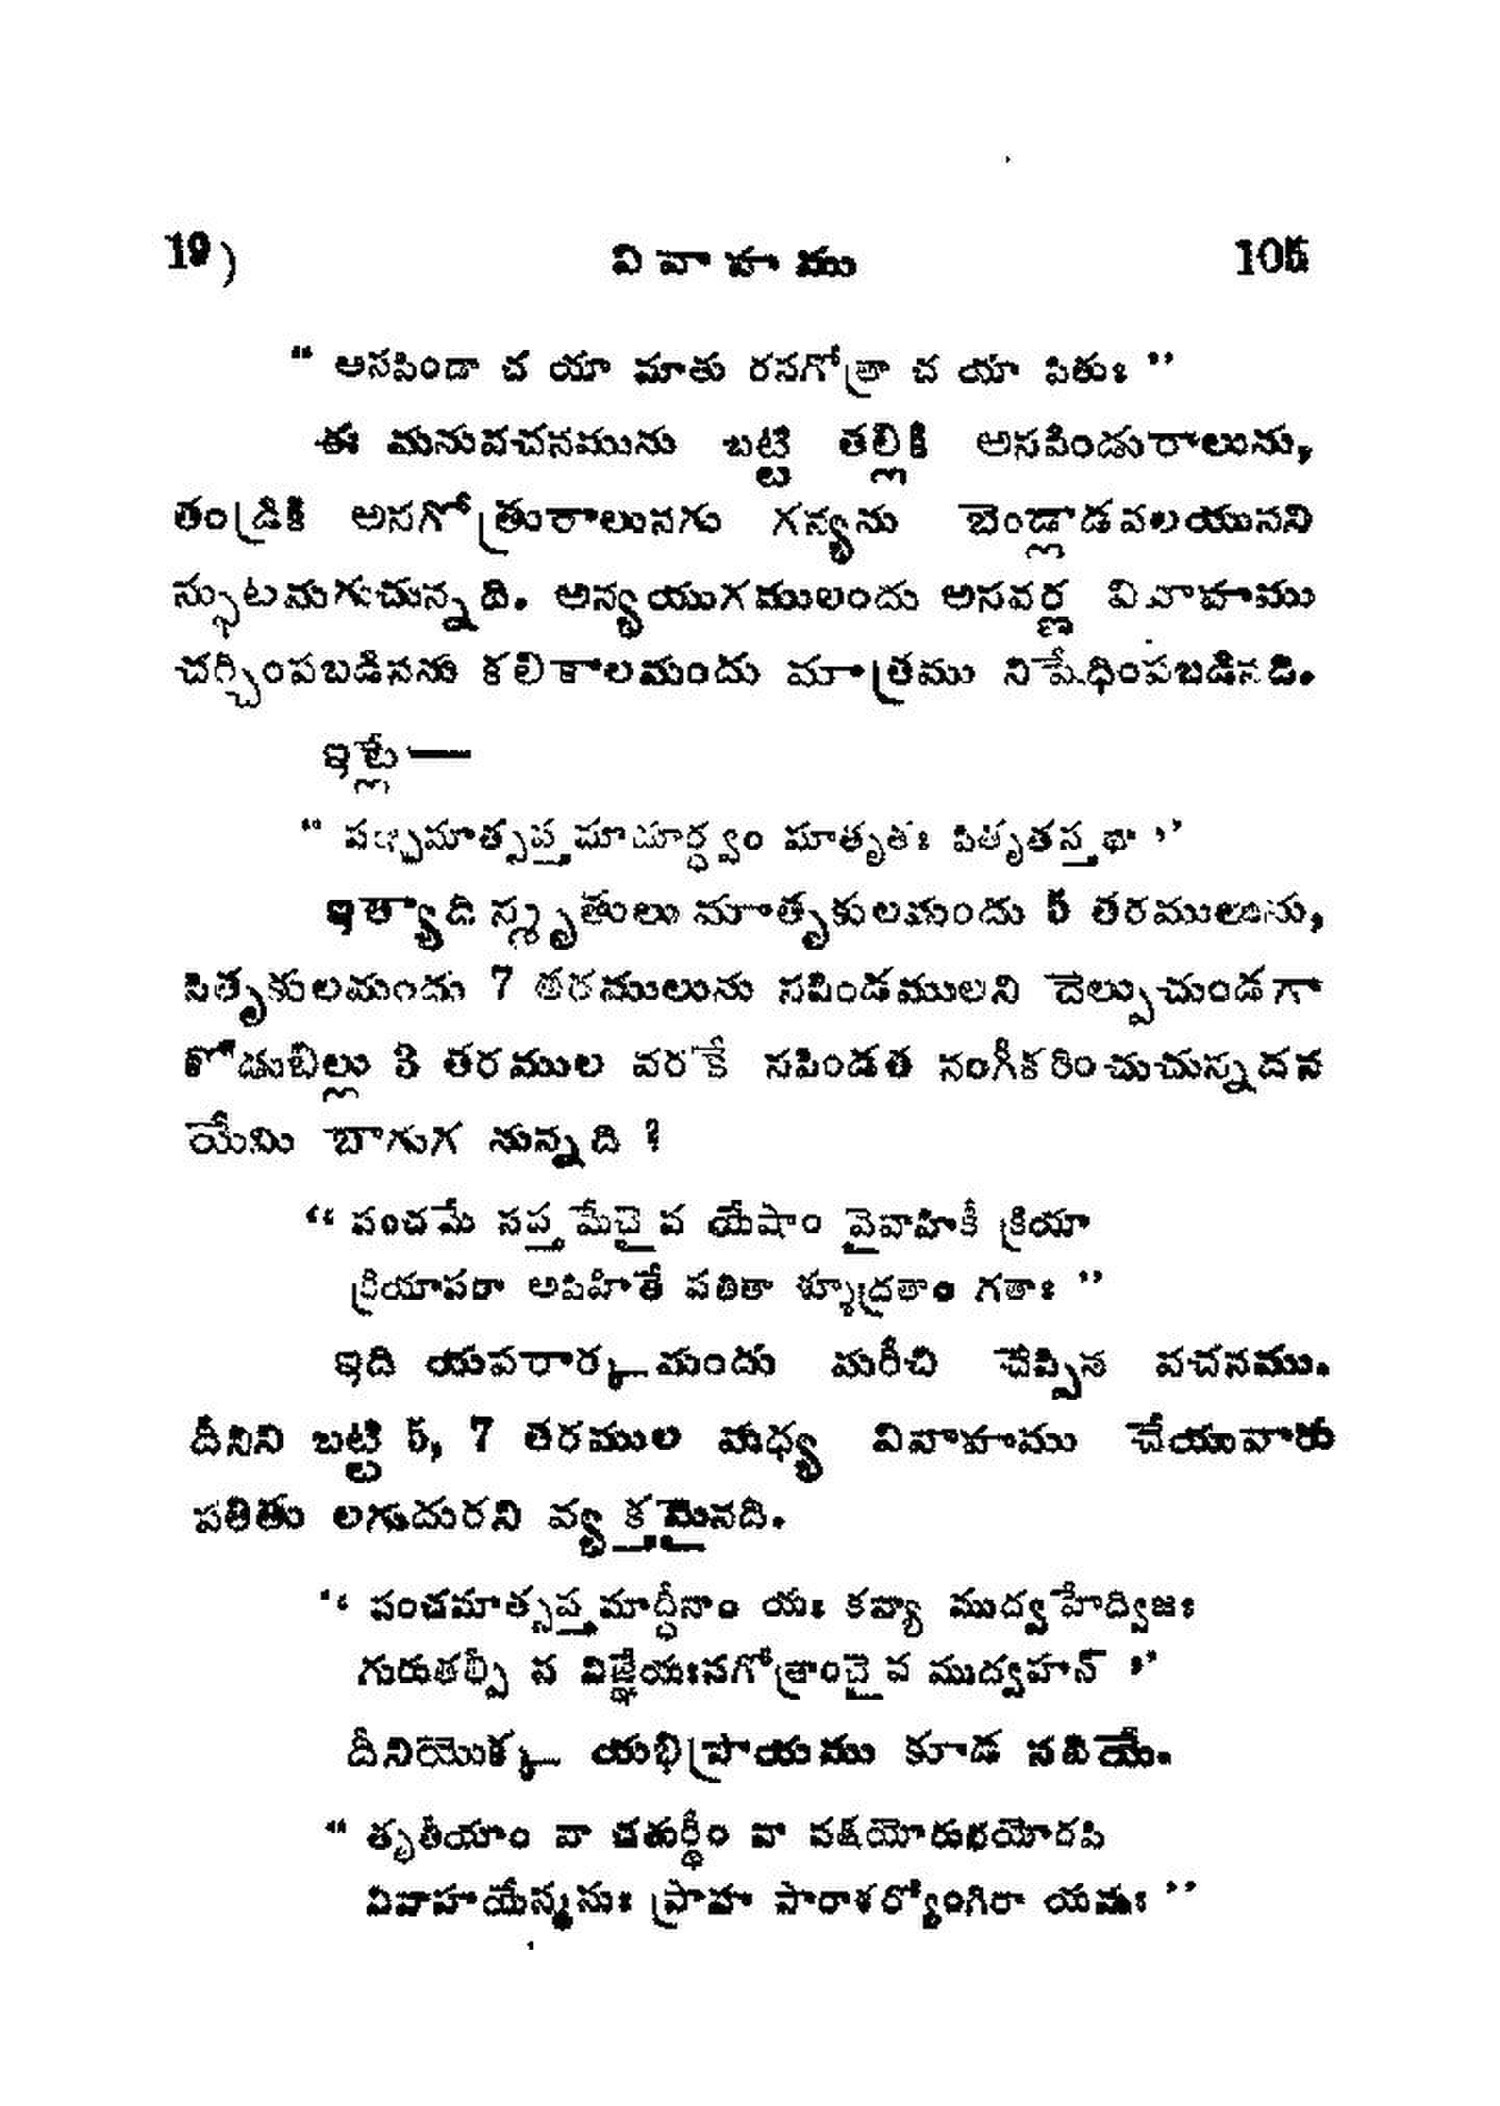అసపిండా చ యా మాతు రసగోత్రా చయా పితుః "

ఈ మనువచనమును బట్టి తల్లికి అసపిండురాలును,
తండ్రికి అసగోత్రురాలునగు గన్యను బెండ్లాడవలయునని
స్ఫుటమగుచున్నది. అన్యయుగములందు అసవర్ణ వివాహము
చర్చింపబడినను కలికాలమందు మాత్రము నిషేధింపబడినది 

"పఞ్చమాతృప్త మాదూర్ధ్వం మాతృతః పితృతస్తథా"

ఇత్యాది స్మృతులు మాతృకులముందు 5 తరములును,
పితృకులమందు 7 తరములును సపిండములని దెల్పుచుండగా
కోడుబిల్లు 3 తరముల వరకే సపిండత సంగీకరించుచున్నదన
యేమి బాగుగ నున్నది?

"పంచమే సప్తమేచైవ యేషాం వైవాహికీ క్రియా
క్రియాపరా అపిహితే పతితా శ్శూద్రతాం గతాః "

ఇది యవరార్క మందు మరీచి చెప్పిన వచనము.
దీనిని బట్టి 5, 7 తరముల మధ్య వివాహము చేయువారు
పతితు లగుదురని వ్యక్తమైనది.

పంచమాతృప్త మాద్ధీనాం యః కన్యా ముద్వహేద్విజః
గురుతల్పీ స విజ్ఞేయఃస గోత్రాంచైవ ముద్వహన్ '

దీనియొక్క యభిప్రాయము కూడ నదియే.

"తృతీయాం వా చతుర్థీం నా పక్షయోరుభయోరపి
వివాహయేన్మనుః ప్రాహ పారాశర్యోంగిరా యమః ”